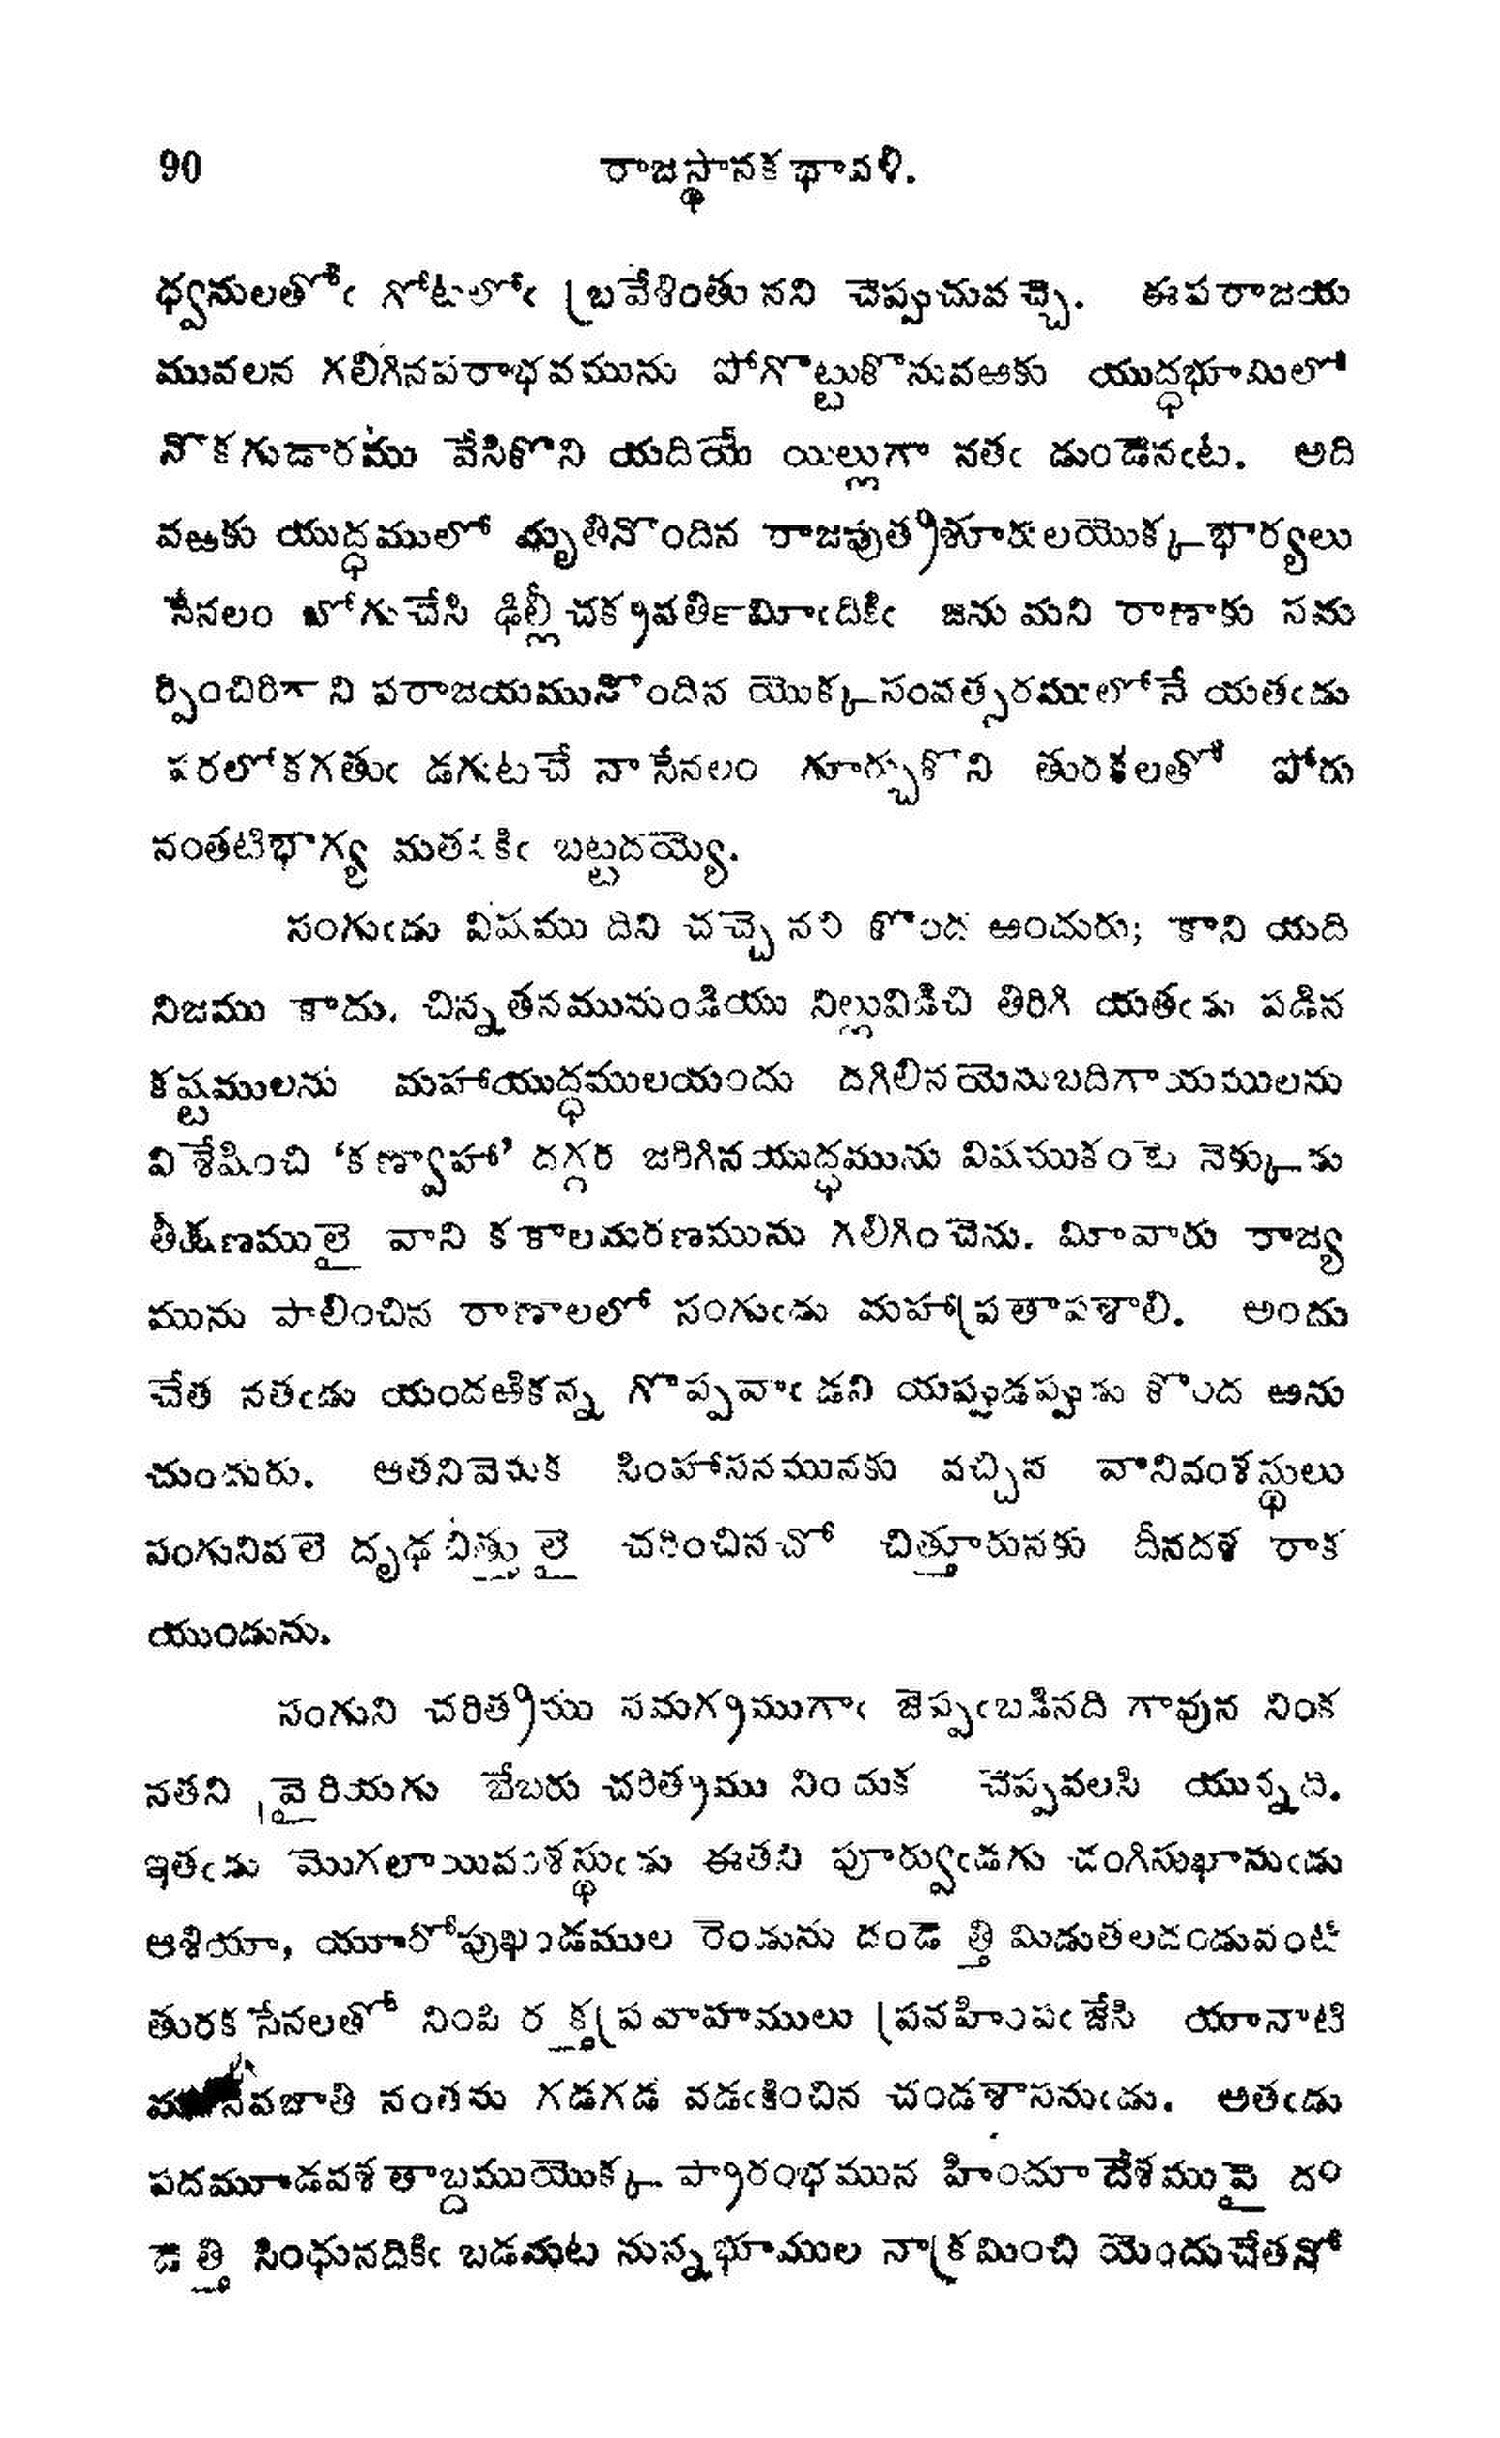ధ్వనులతోఁ గోటలోఁ బ్రవేశింతు నని చెప్పుచువచ్చె. ఈ పరాజయమువలన గలిగిన పరాభవమును పోగొట్టుకొనువఱకు యుద్ధభూమిలో
నొక గుడారము వేసికొని యదియే యిల్లుగా నతఁ డుండెనఁట, అదివఱకు యుద్ధములో మృతినొందిన రాజపుత్రశూరుల యొక్క భార్యలు
సేనలం బోగు చేసి ఢిల్లీ చక్రవతి౯ మీదికిఁ జను మని రాణాకు సమర్పించిరిగాని పరాజయమునొందిన యొక్క సంవత్సరములో నే యతఁడు పరలోకగతుఁ డగుటచే నా సేనలం గూర్చుకొని తురకలతో పోరునంతటి భాగ్య మతనికి బట్టదయ్యె.

సంగుఁడు విషము దిని చచ్చెనని కొందఱదురు; కాని యది నిజము కాదు. చిన్న తనమునుండియు నిల్లువిడిచి తిరిగి యతఁడు పడిన
కష్టములను మహాయుద్ధములయందు దగిలిన యెనుబదిగాయములను విశేషించి 'కణ్వాహా' దగ్గర జరిగిన యుద్ధమును విషముకంటె నెక్కుడు తీక్షణములై వాని కకాల మరణమును గలిగించెను. మీవారు రాజ్యమును పాలించిన రాణాలలో సంగుఁడు మహాప్రతాపశాలి. అందుచేత నతఁడు యందఱికన్న గొప్పవాడని యప్పుడప్పుడు కోదఱను చుందురు.అతని వెనుక సింహాసనమునకు వచ్చిన వానివంశస్థులు సంగునివలే దృఢచిత్తులై చరించినచో చిత్తూరునకు దీనదశ రాక యుండును.

సంగుని చరిత్రము సమగ్రముగాఁ జెప్పఁబడినది గావున నింక నతని వైరియగు బేబరు చరిత్రము నించుక చెప్పవలసి యున్నది. ఇతఁడు 'మొగలాయివంశస్థుఁడు ఈతని పూర్వుఁడగు చంగిసుఖానుఁడు ఆశియా, యూరోపుఖండముల రెండును దండెత్తి మిడుతలదండువంటి
తురక సేనలతో నింపి రక్త ప్రవాహములు ప్రవహిుపఁ జేసి యానాటి మానవజాతి నంతను గడగడ వడఁకించిన చండశాసనుఁడు, అతఁడు
పదమూడవశతాబ్దముయొక్క ప్రారంభమున హిందూదేశముపై దండెత్తి సింధునదికిఁ బడమట నున్న భూముల నాశ్రమించి యెందుచేతనో